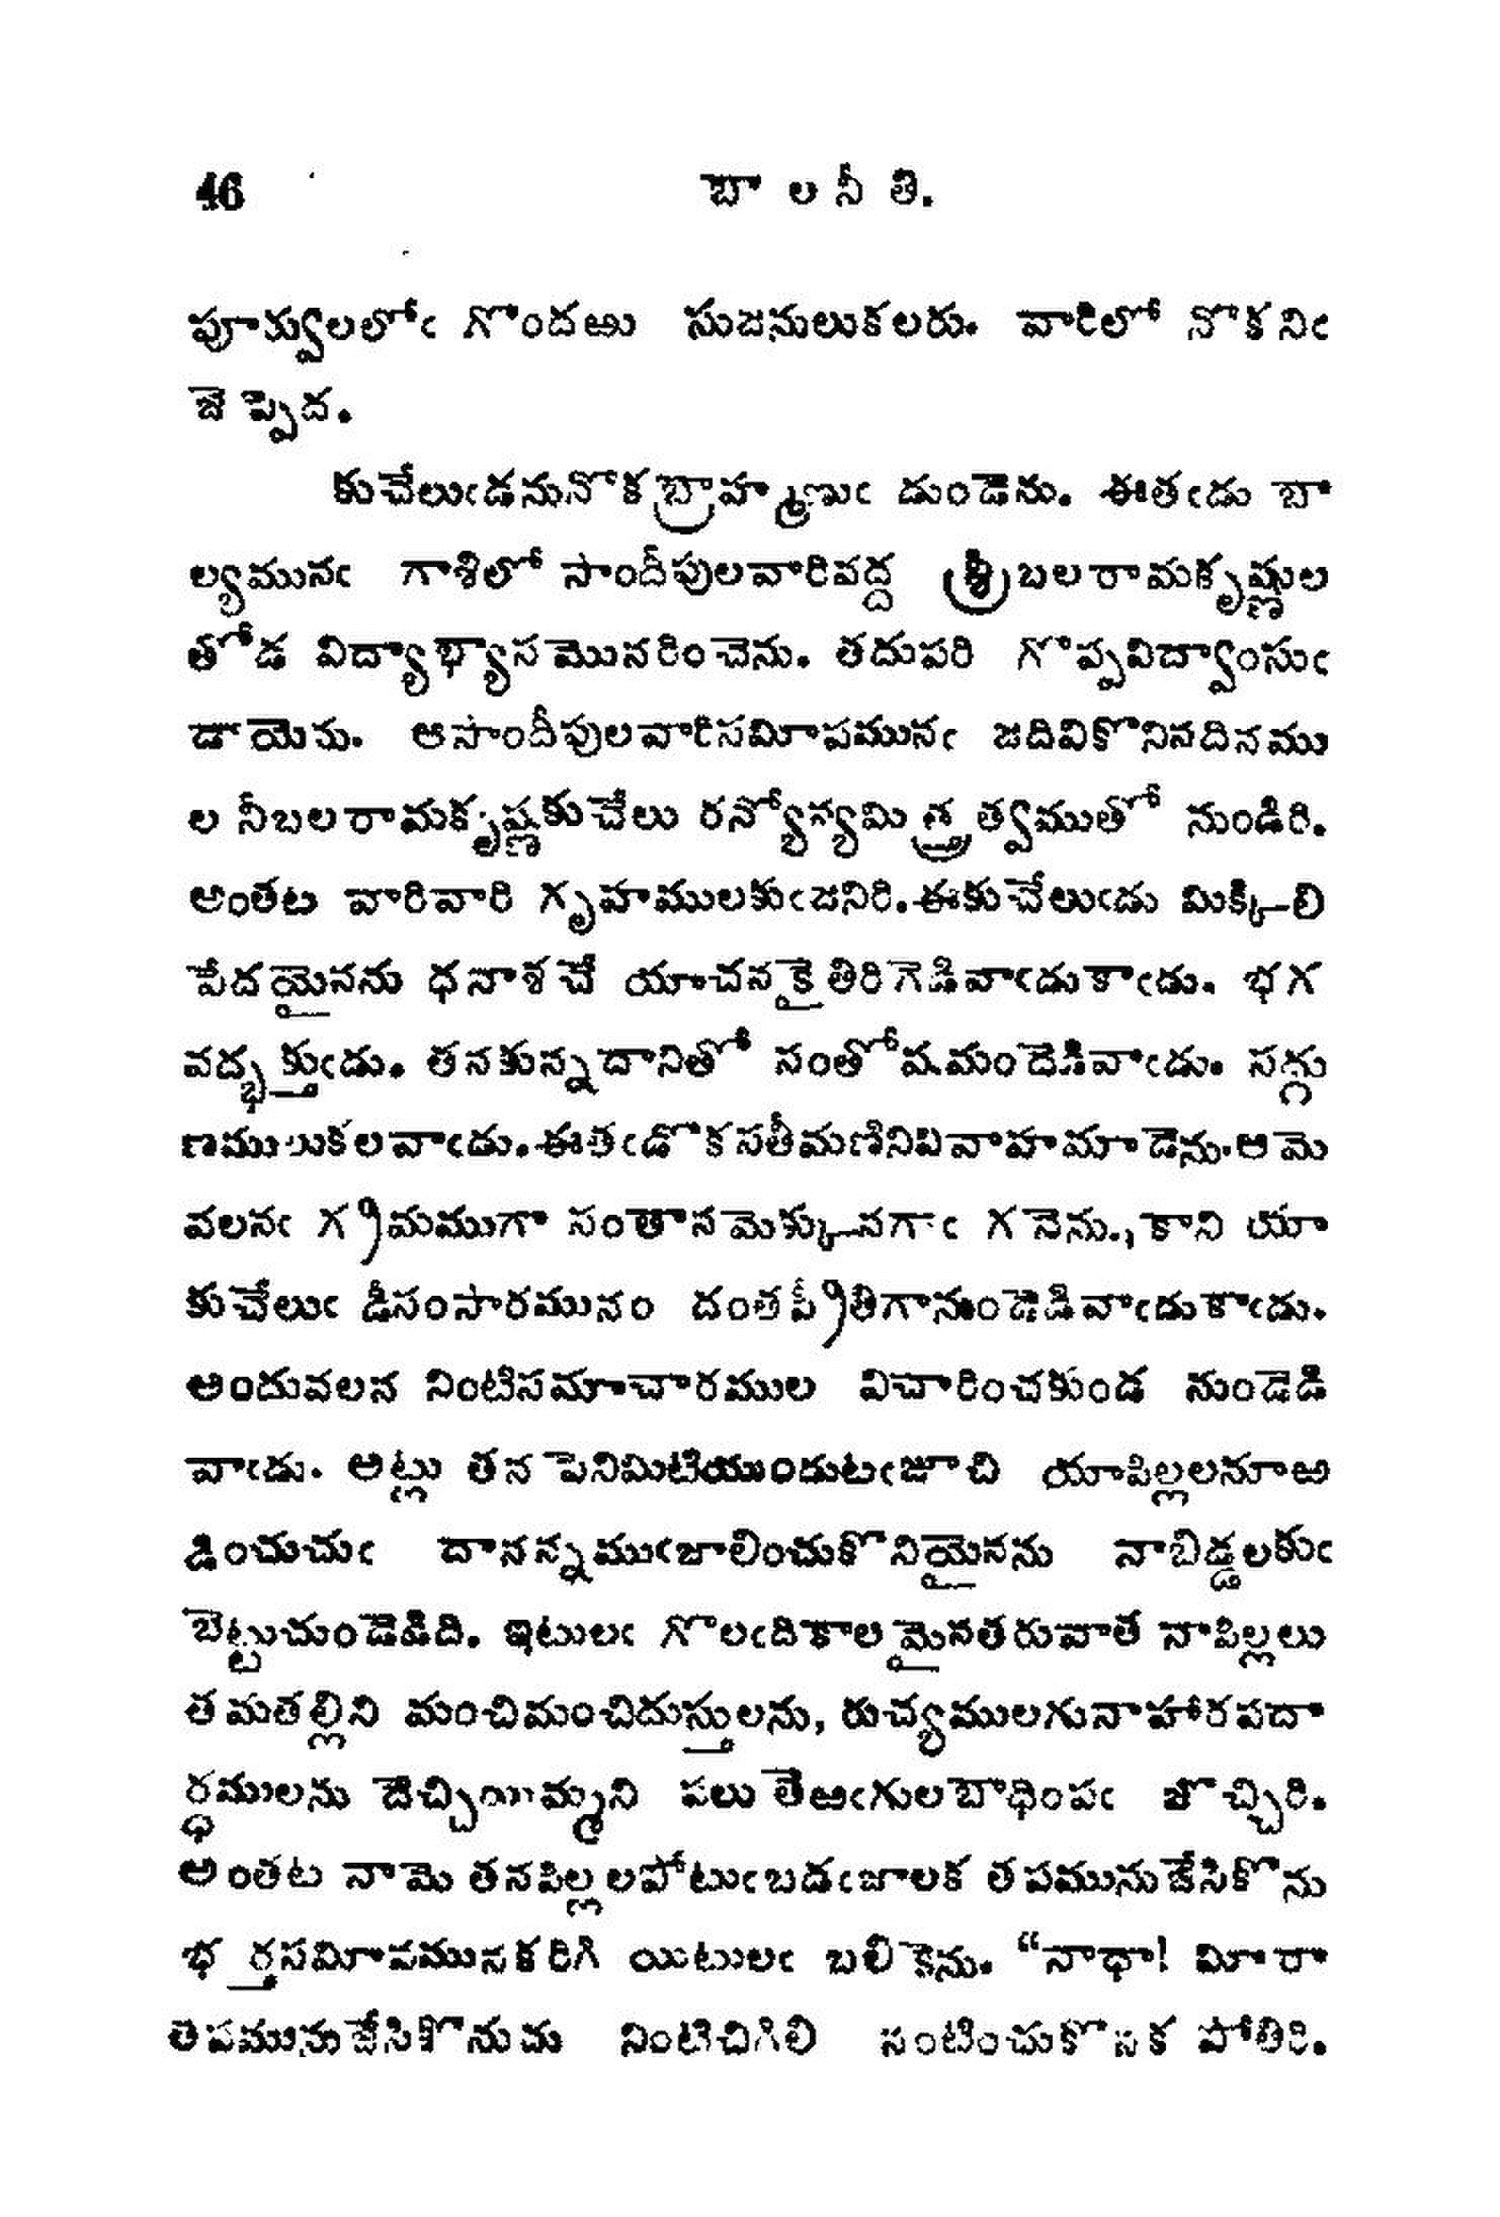పూర్వులలోఁ గొందఱు సుజనులుకలరు. వారిలో నొకనిఁ
జెప్పెద.

కుచేలుఁడనునొకబ్రాహ్మణుఁ డుండెను. ఈతఁడు బా
ల్యమునఁ గాశిలో సాందీపులవారివద్ద శ్రీబలరామకృష్ణుల
తోడ విద్యాభ్యాసమొనరించెను. తదుపరి గొప్పవిద్వాంసుఁ
డాయెను. ఆసాందీపులవారిసమీపమునఁ జదివికొనినదినము
ల నీబలరామకృష్ణకుచేలు రన్యోన్యమిత్త్రత్వముతో నుండిరి. 
అంతట వారివారి గృహములకుఁజనిరి. ఈకుచేలుఁడు మిక్కిలి 
పేదయైనను ధనాశచే యాచనకైతిరిగెడివాఁడుకాఁడు. భగ
వద్భక్తుఁడు. తనకున్నదానితో సంతోషమందెడివాఁడు. సద్గు
ణములుకలవాఁడు. ఈతఁడొకసతీమణిని వివాహమాడెను. ఆమె
వలనఁ గ్రమముగా సంతానమెక్కువగాఁ గనెను. కాని యా
కుచేలుఁ డీసంసారమునం దంతప్రీతిగానుండెడివాఁడుకాఁడు. 
అందువలన నింటిసమాచారముల విచారించకుండ నుండెడి
వాఁడు. అట్లు తన పెనిమిటియుండుటఁజూచి యాపిల్లలనూఱ
డించుచుఁ దానన్నముఁజాలించుకొనియైనను నాబిడ్డలకుఁ 
బెట్టుచుండెడిది. ఇటులఁ గొలఁదికాలమైనతరువాత నాపిల్లలు 
తమతల్లిని మంచిమంచిదుస్తులను, రుచ్యములగునాహారపదా
ర్ధములను దెచ్చియిమ్మని పలు తెఱఁగులబాధింపఁ జొచ్చిరి. 
అంతట నామె తనపిల్లలపోటుఁబడఁజాలక తపమునుజేసికొను 
భర్తసమీపమునకరిగి యిటులఁ బలికెను. "నాధా! మీరా
తపమునుజేసికొనుచు నింటిచిగిలి నంటించుకొనక పోతిరి.